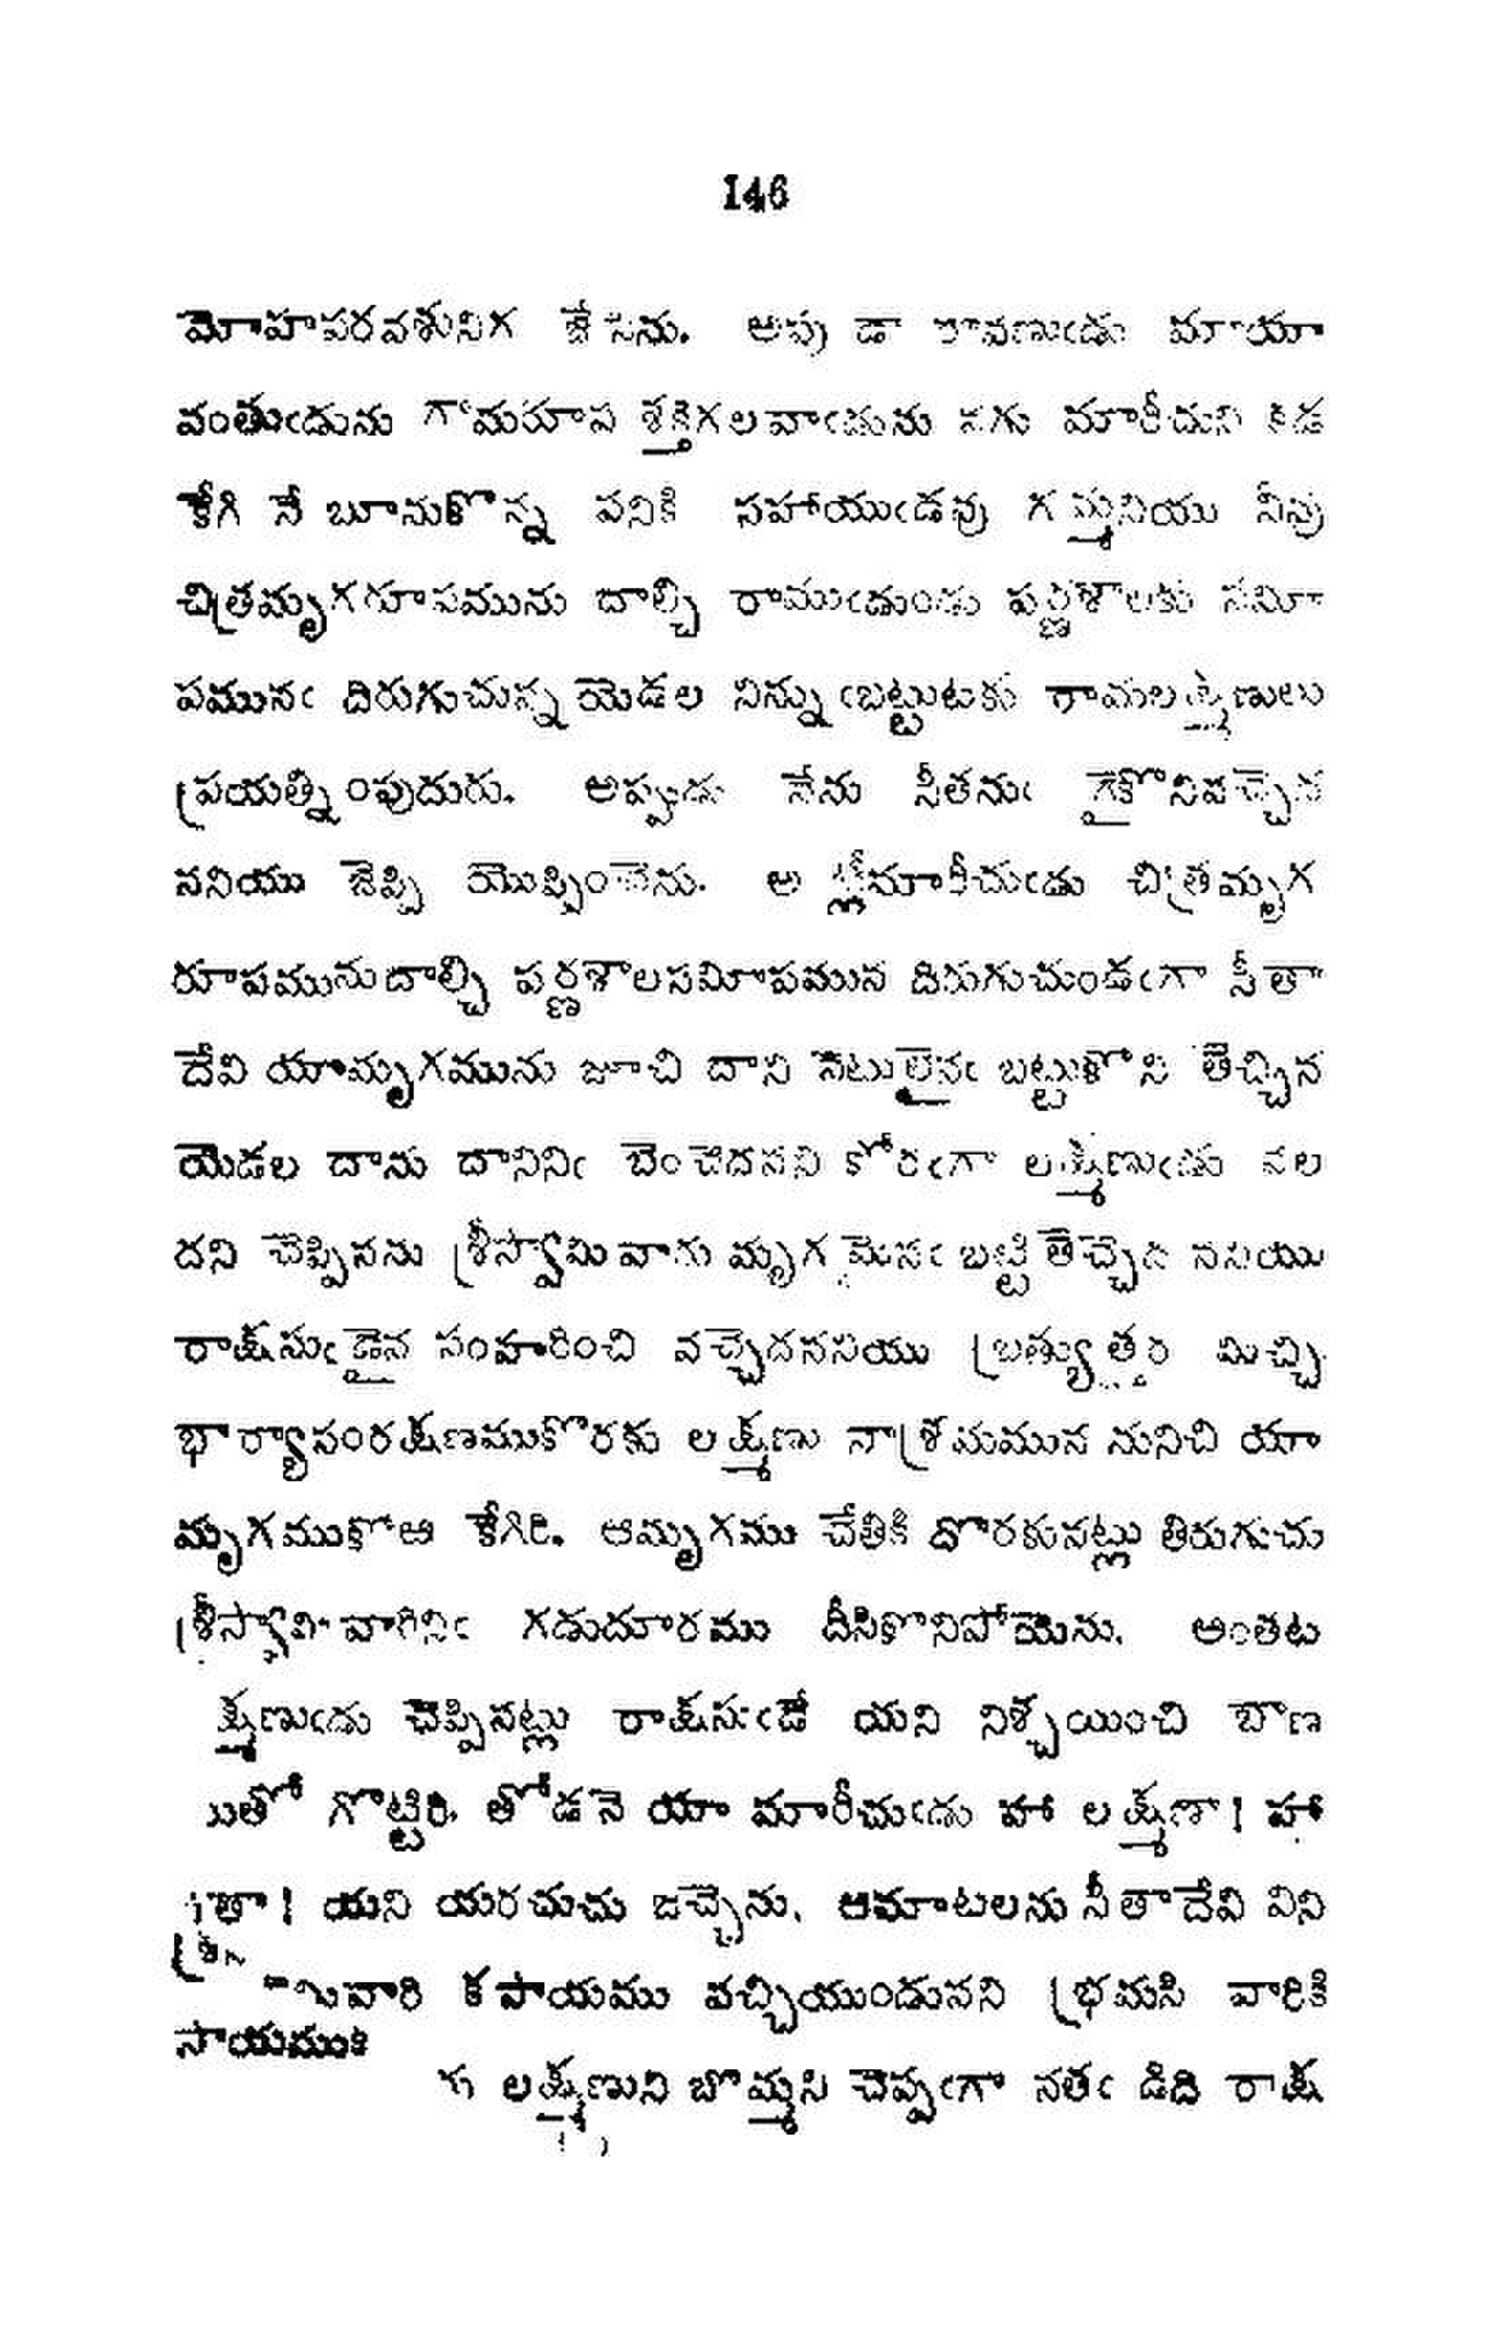మోహపరవశునిగ జేసెను. అపు డా రావణుఁడు మాయావంతుఁడును గామరూప శక్తిగలవాఁడును నగు మారీచుని కడకేగి నే బూనుకొన్న పనికి సహాయుఁడవు గమ్మనియు నీవు చిత్రమృగరూపమును దాల్చి రాముఁడుండు పర్ణశాలకు సమీపమునఁ దిరుగుచున్నయెడల నిన్నుఁబట్టుటకు రామలక్ష్మణులు ప్రయత్నింపుదురు. అప్పుడు నేను సీతనుఁ గైకొనివచ్చెదననియు జెప్పి యొప్పించెను. అ ట్లీమారీచుఁడు చిత్రమృగ రూపమునుదాల్చి పర్ణశాలసమీపమున దిరుగుచుండగా సీతాదేవి యామృగమును జూచి దాని నెటులైనఁ బట్టుకోని తెచ్చిన యెడల దాను దానినిఁ బెంచెదనని కోరఁగా లక్ష్మణుఁడు వలదని చెప్పినను శ్రీస్వామివారు మృగమైనఁ బట్టితెచ్చెద ననియు రాక్షసుఁడైన సంహరించి వచ్చెదననియు బ్రత్యుత్తర మిచ్చి భార్యాసంరక్షణముకొరకు లక్ష్మణు నాశ్రమమున నునిచి యా మృగముకొఱ కేగిరి. అమృగము చేతికి దొరకునట్లు తిరుగుచు శ్రీస్వామివారినిఁ గడుదూరము దీసికొనిపోయెను. అంతట లక్షణుఁడు చెప్పినట్లు రాక్షసుఁడే యని నిశ్చయించి బాణముతో గొట్టిరి. 
తోడనె యా మారీచుఁడు హా లక్ష్మణా ! హా సీతా! యని యరచుచు జచ్చెను. ఆమాటలను సీతాదేవి విని శ్రీస్వామివారి కపాయము వచ్చియుండునని భ్రమసి వారికి సాయముకొరకు లక్ష్మణుని బొమ్మని చెప్పఁగా నతఁ డిది రాక్ష